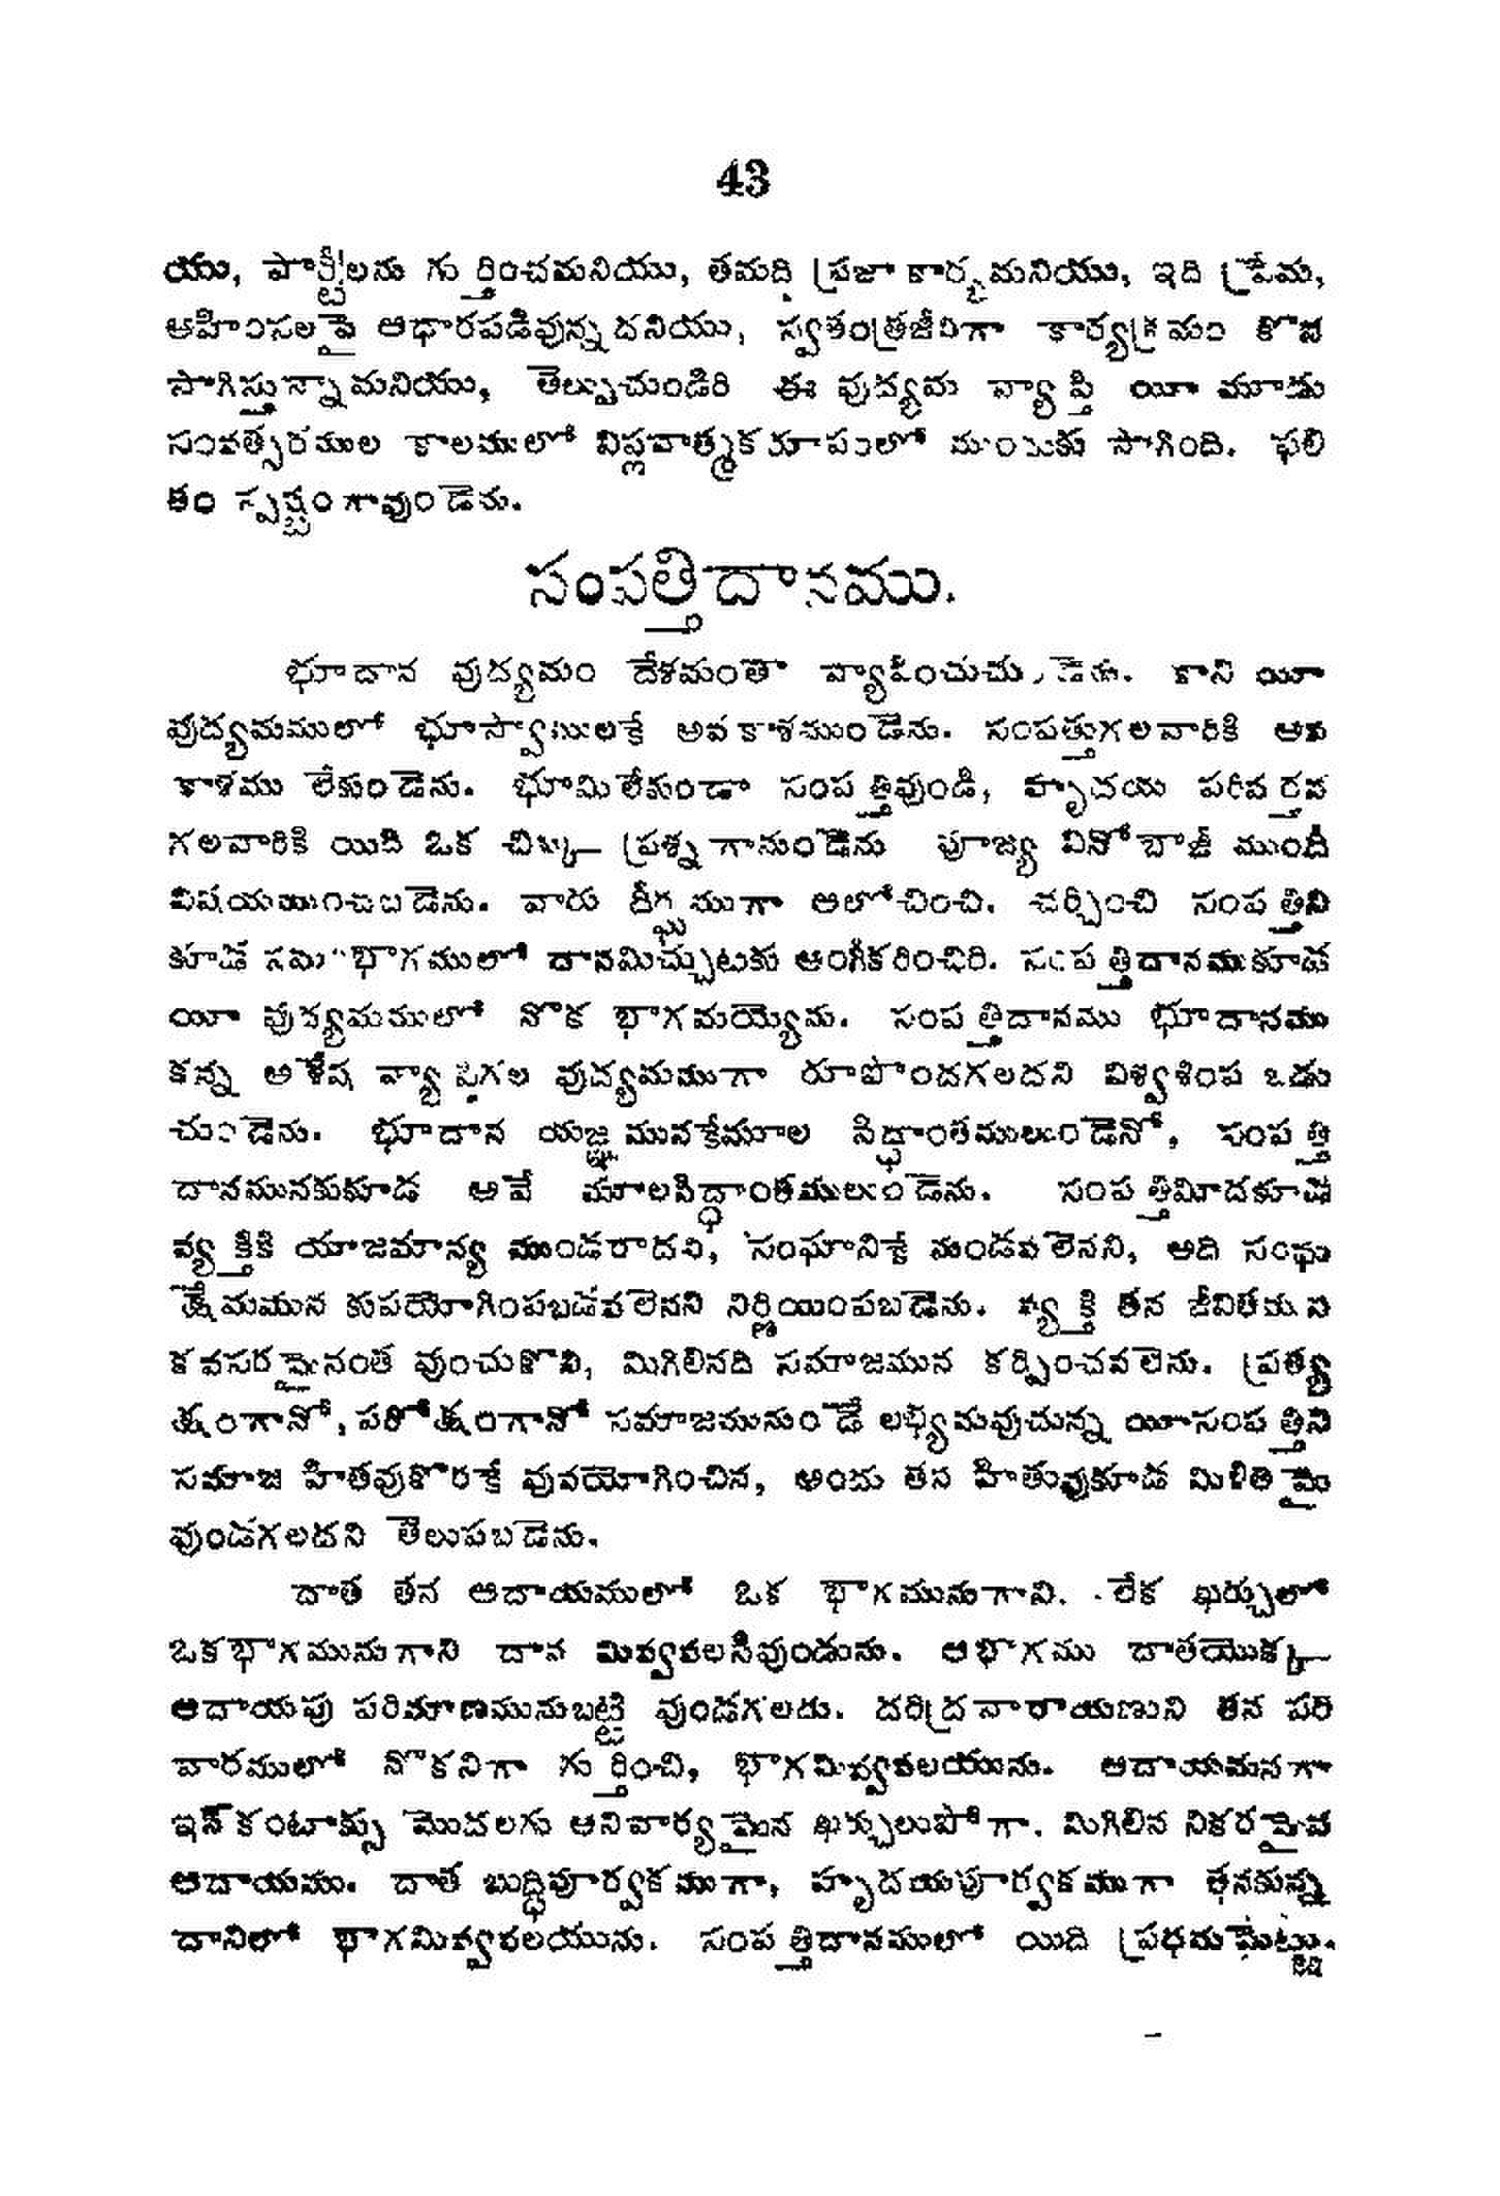యు, పార్టీలను గుర్తించమనియు, తమది ప్రజా కార్యమనియు, ఇది ప్రేమ, ఆహింసలపై ఆధారపడివున్నదనియు, స్వతంత్రజీవిగా కార్యక్రమం కొనసాగిస్తున్నామనియు, తెల్పుచుండిరి ఈ వుద్యమ వ్యాప్తి యీ మూడు సంవత్సరముల కాలములో విప్లవాత్మకరూపంలో ముందుకు సాగింది. ఫలితం స్పష్టంగావుండెను.

సంపత్తి దానము. 

భూదాన వుద్యమం దేశమంతా వ్యాపించుచుండెను. కాని యీ వుద్యమములో భూస్వాములకే అవకాశముండెను. సంపత్తుగలవారికి అవకాశము లేకుండెను. భూమిలేకుండా సంపత్తివుండి, హృదయ పరివర్తన గలవారికి యిది ఒక చిక్కు ప్రశ్నగానుండెను పూజ్య వినోబాజీ ముందీ విషయముంచబడెను. వారు దీర్ఘముగా ఆలోచించి, చర్చించి సంపత్తిని కూడ సమ భాగములో దానమిచ్చుటకు ఆంగీకరించిరి. సంపత్తిదానముకూడ యీ వుద్యమములో నొక భాగమయ్యెను. సంపత్తిదానము భూదానము కన్న అశేష వ్యాప్తిగల వుద్యమముగా రూపొందగలదని విశ్వశింప బడు చుండెను. భూదాన యజ్ఞమునకేమూల సిద్ధాంతములుండెనో, సంపత్తి దానమునకుకూడ ఆవే మూలసిద్దాంతములుండెను. సంపత్తిమీదకూడు వ్యక్తికి యాజమాన్య ముండరాదని, సంఘానికే నుండవలెనని, అది సంఘ క్షేమమున కుపయోగింపబడవలెనని నిర్ణయింపబడెను. వ్యక్తి తన జీవితమున కవసరమైనంత వుంచుకొని, మిగిలినది సమాజమున కర్పించవలెను. ప్రత్యక్షంగానో, పరోక్షంగానో సమాజమునుండే లభ్యమవుచున్న యీసంపత్తిని సమాజ హితవుకొరకే వుపయోగించిన, అందు తన హితువుకూడ మిళితిమై వుండగలదని తెలుపబడెను.

దాత తన ఆదాయములో ఒక భాగమునుగాని. లేక ఖర్చులో ఒకభాగమునుగాని దాన మివ్వవలసివుండును. ఆభాగము దాతయొక్క ఆదాయపు పరిమాణమునుబట్టి వుండగలదు. దరిద్రనారాయణుని తన పరివారములో నొకనిగా గుర్తించి, భాగమివ్వవలయును. ఆదాయమనగా ఇన్‌కంటాక్సు మొదలగు అనివార్యమైన ఖర్చులుపోగా, మిగిలిన నికరమైన ఆదాయము. దాత బుద్ధిపూర్వకముగా, హృదయపూర్వకముగా తనకున్న దానిలో భాగమివ్వవలయును. సంపత్తిదానములో యిది ప్రధామమెట్టు.